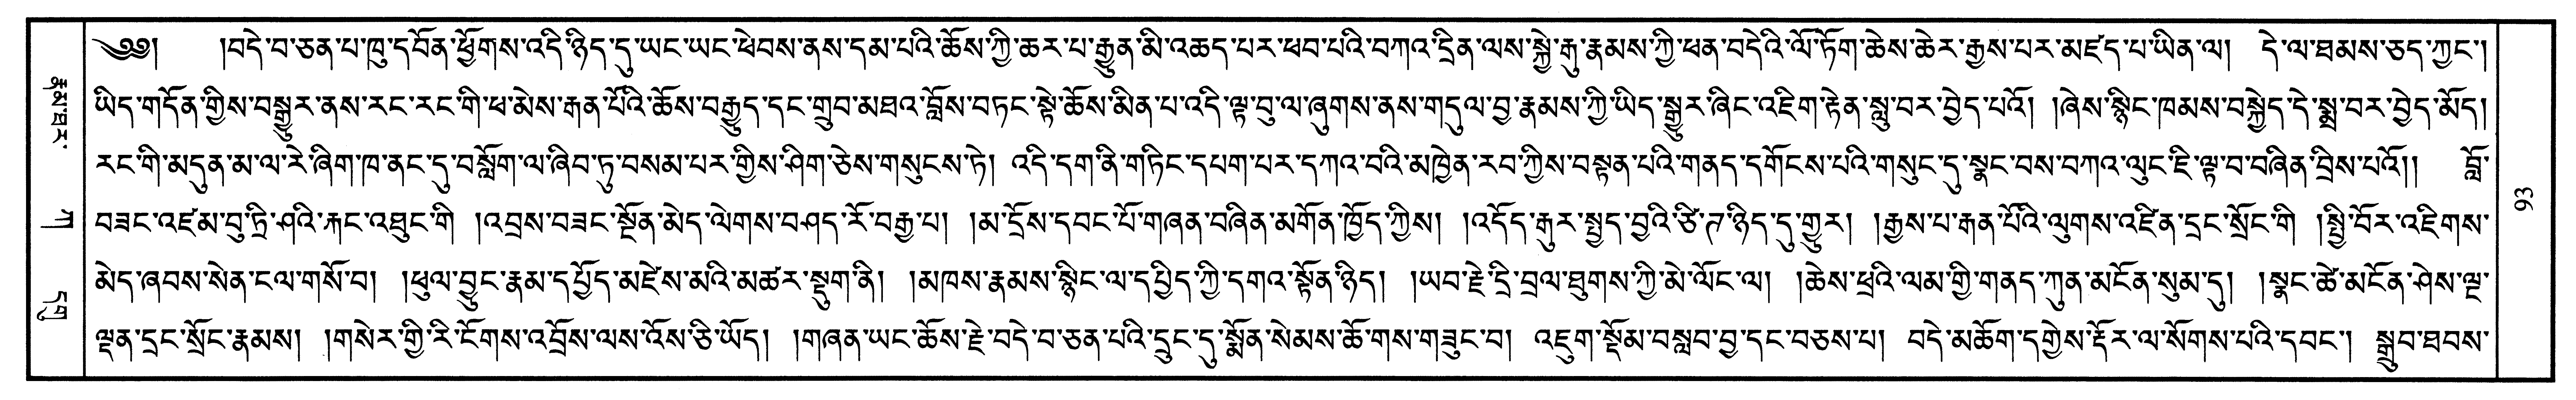༄༅། །བདེ་བ་ཅན་པ་ཁུ་དབོན་ཕྱོགས་འདི་ཉིད་དུ་ཡང་ཡང་ཕེབས་ནས་དམ་པའི་ཆོས་ཀྱི་ཆར་པ་རྒྱུན་མི་འཆད་པར་ཕབ་པའི་བཀའ་དྲིན་ལས་སྐྱེ་རྒུ་རྣམས་ཀྱི་ཕན་བདེའི་ལོ་ཏོག་ཆེས་ཆེར་རྒྱས་པར་མཛད་པ་ཡིན་ལ། དེ་ལ་ཐམས་ཅད་ཀྱང་།
ཡིད་གདོན་གྱིས་བསྒྱུར་ནས་རང་རང་གི་ཕ་མེས་རྒན་པོའི་ཆོས་བརྒྱུད་དང་གྲུབ་མཐའ་བློས་བཏང་སྟེ་ཆོས་མིན་པ་འདི་ལྟ་བུ་ལ་ཞུགས་ནས་གདུལ་བྱ་རྣམས་ཀྱི་ཡིད་སྒྱུར་ཞིང་འཇིག་རྟེན་སླུ་བར་བྱེད་པའོ། །ཞེས་སྙིང་ཁམས་བསྐྱེད་དེ་སྨྲ་བར་བྱེད་མོད།
རང་གི་མདུན་མ་ལ་རེ་ཞིག་ཁ་ནང་དུ་བསློག་ལ་ཞིབ་ཏུ་བསམ་པར་གྱིས་ཤིག་ཅེས་གསུངས་ཏེ། འདི་དག་ནི་གཏིང་དཔག་པར་དཀའ་བའི་མཁྱེན་རབ་ཀྱིས་བསྟན་པའི་གནད་དགོངས་པའི་གསུང་དུ་སྣང་བས་བཀའ་ལུང་ཇི་ལྟ་བ་བཞིན་བྲིས་པའོ།། བློ་
བཟང་འཛམ་བུ་ཏྲི་ཤའི་རྐང་འཐུང་གི །འབྲས་བཟང་སྔོན་མེད་ལེགས་བཤད་རོ་བརྒྱ་པ། །མ་དྲོས་དབང་པོ་གཞན་བཞིན་མགོན་ཁྱོད་ཀྱིས། །འདོད་རྒུར་སྤྱད་བྱའི་ཙི་ཊ་ཉིད་དུ་གྱུར། །རྒྱས་པ་རྒན་པོའི་ལུགས་འཛིན་དྲང་སྲོང་གི །སྤྱི་བོར་འཇིགས་
མེད་ཞབས་སེན་ངལ་གསོ་བ། །ཕུལ་བྱུང་རྣམ་དཔྱོད་མཛེས་མའི་མཚར་སྡུག་ནི། །མཁས་རྣམས་སྙིང་ལ་དཔྱིད་ཀྱི་དགའ་སྟོན་ཉིད། །ཡབ་རྗེ་དྲི་བྲལ་ཐུགས་ཀྱི་མེ་ལོང་ལ། །ཆེས་ཕྲའི་ལམ་གྱི་གནད་ཀུན་མངོན་སུམ་དུ། །སྣང་ཚེ་མངོན་ཤེས་ལྔ་
ལྡན་དྲང་སྲོང་རྣམས། །གསེར་གྱི་རི་ངོགས་འབྲོས་ལས་འོས་ཅི་ཡོད། །གཞན་ཡང་ཆོས་རྗེ་བདེ་བ་ཅན་པའི་དྲུང་དུ་སྨོན་སེམས་ཆོ་གས་གཟུང་བ། འཇུག་སྡོམ་བསླབ་བྱ་དང་བཅས་པ། བདེ་མཆོག་དགྱེས་རྡོར་ལ་སོགས་པའི་དབང་། སྒྲུབ་ཐབས་